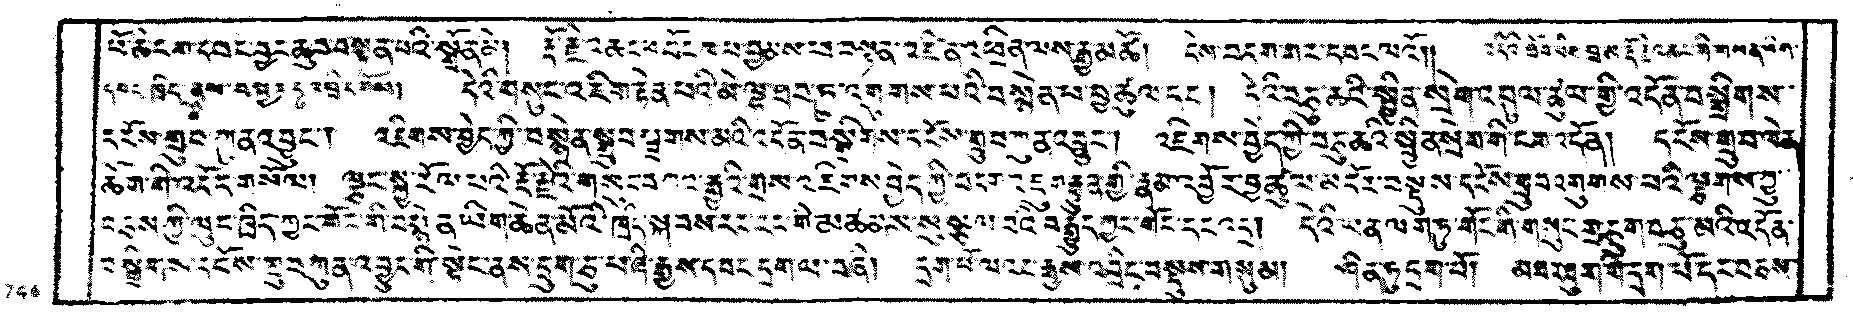པོ་ཆེ་ངག་དབང་བྱང་ཆུབ་བསྟན་པའི་སྒྲོན་མེ། རྡོ་རྗེ་འཆང་ཕ་བོང་ཁ་པ་བྱམས་པ་བསྟན་འཛིན་འཕྲིན་ལས་རྒྱ་མཚོ། དེས་བདག་གར་དབང་ལའོ།། འདིའི་ཐོབ་ཡིག་བླ་མ་རྡོ་རྗེ་འཆང་གི་གསན་ཡིག་
དབང་ཁྲིད ༣༣་བ་ནས་བསྐྱར་དུ་འབྲི་དགོས། དེའི་གསུང་འཇིག་རྟེན་པའི་མེ་ལྷ་ཐབ་ཏུ་འགུགས་པའི་བསྙེན་པ་བྱ་ཚུལ་དང་། དེའི་བཅུ་ཆའི་སྦྱིན་སྲེག་འབུལ་ཚུལ་གྱི་འདོན་བསྒྲིགས་
དངོས་གྲུབ་ཀུན་འབྱུང་། འཇིགས་བྱེད་ཀྱི་བསྙེན་སྒྲུབ་སྦྲགས་མའི་འདོན་བསྒྲིགས་དངོས་གྲུབ་ཀུན་འབྱུང་། འཇིགས་བྱེད་ཀྱི་བཅུ་ཆའི་སྦྱིན་སྲེག་གི་ངག་འདོན། དངོས་གྲུབ་ལེན་
ཆོག་གི་འདོད་གསོལ། ལྕང་སྐྱ་རོལ་པའི་རྡོ་རྗེའི་གསུང་བཀའ་རྒྱའི་གྲས་འཇིགས་བྱེད་ཀྱི་བདག་འཇུག་རྒྱུན་གྱི་རྣམ་འབྱོར་བྱ་ཚུལ་མདོར་བསྡུས་དངོས་གྲུབ་འགུགས་པའི་ལྕགས་ཀྱུ་
བཅས་ཀྱི་ལུང་ཁྲིད་ཀྱང་གོང་གི་བསྙེན་ཡིག་ཆེན་མོའི་ཁྲིད་སྐབས་རང་རང་གི་མཚམས་སུ་སྩལ་བའི་བརྒྱུད་ཀྱང་གོང་དང་འདྲ། དེའི་ཡན་ལག་ཏུ་གོང་གི་གསུང་གྲས་དྲུག་བཅུ་མའི་འདོན་
བསྒྲིགས་དངོས་གྲུབ་ཀུན་འབྱུང་གི་སྟེང་ནས་དྲུག་ཅུ་པ་ཞི་རྒྱས་དབང་དྲག་ལ་བཞི། དྲག་པོ་ལའང་རྒྱས་འབྲིང་བསྡུས་གསུམ། ཤིན་ཏུ་དྲག་པོ། མཐར་ཐུག་གི་དྲག་པོ་དང་བཅས་